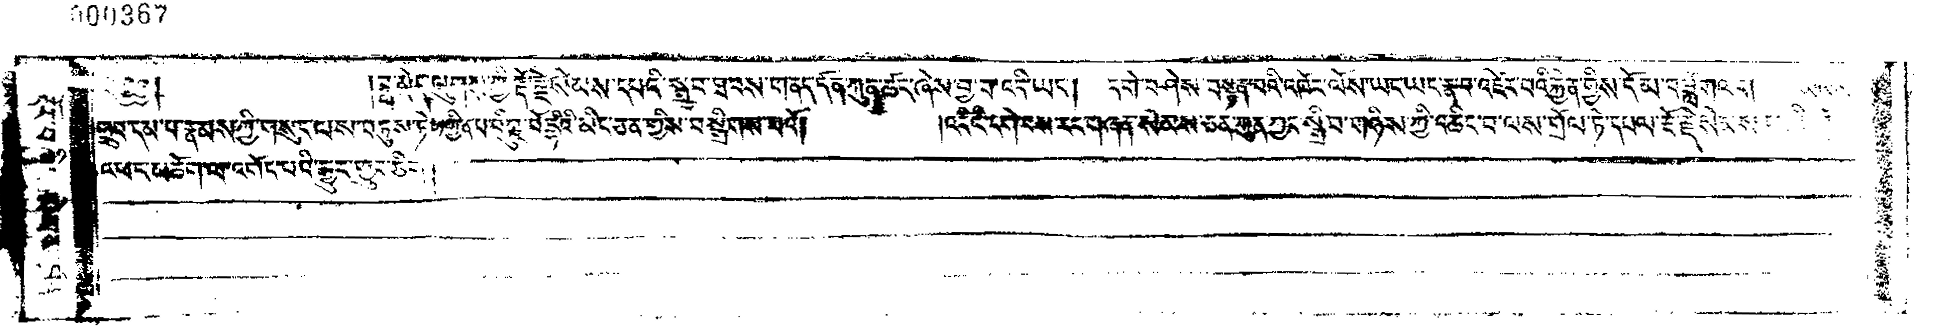༄༅། །བླ་མེད་ལུགས་ཀྱི་རྡོ་རྗེ་སེམས་དཔའི་སྒྲུབ་ཐབས་གནད་དོན་ཀུན་ཚང་ཞེས་བྱ་བ་འདི་ཡང་། དགེ་བཤེས་བསྟན་པའི་འཁོར་ལོས་ཡང་ཡང་རྣ་བ་འཛེར་བའི་རྐྱེན་གྱིས་ངོ་མ་བཟློག་ལར། མཁས་
གྲུབ་དམ་པ་རྣམས་ཀྱི་གསུང་ལས་བཏུས་ཏེ་༧གྱིན་པ་བིཀྵུ་བོདྷཾའི་མིང་ཅན་གྱིས་བསྒྲིགས་པའོ། །འདིའི་དགེ་བས་རང་གཞན་སེམས་ཅན་ཀུན་ཀྱང་སྒྲིབ་གཉིས་ཀྱི་འཆིང་བ་ལས་གྲོལ་ཏེ་དཔལ་རྡོ་རྗེ་སེམས་དཔའི་གོ་
འཕང་མཆོག་ལ་འགོད་པའི་རྒྱུར་གྱུར་ཅིག །